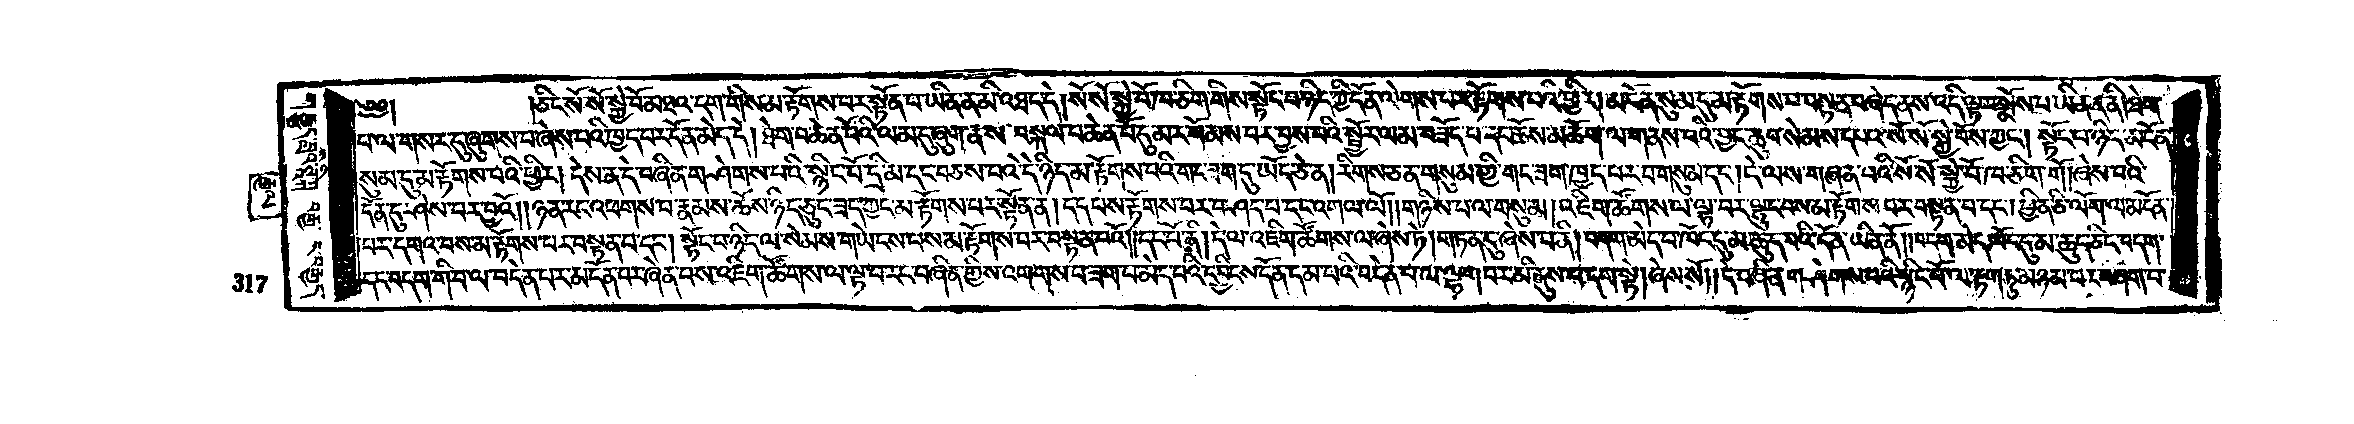༄༅། །ཅིང་སོ་སོ་སྐྱེ་བོ་མཐའ་དག་གིས་མ་རྟོགས་པར་སྟོན་པ་ཡིན་ན་མི་འཐད་དེ། སོ་སོ་སྐྱེ་བོ་ཁ་ཅིག་གིས་སྟོང་པ་ཉིད་ཀྱི་དོན་ལེགས་པར་རྟོགས་པའི་ཕྱིར། མངོན་སུམ་དུ་མ་རྟོགས་པ་བསྟན་བཞེད་ནས་འདི་ལྟར་སྨོས་པ་ཡིན་ན་ནི། ཐེག་
པ་ལ་གསར་དུ་ཞུགས་པ་ཞེས་པའི་ཁྱད་པར་དོན་མེད་དེ། ཐེག་པ་ཆེན་པོའི་ལམ་དུ་ཞུག་ནས་བསྐལ་པ་ཆེན་པོ་དུ་མར་གོམས་པར་བྱས་པའི་སྦྱོར་ལམ་བཟོད་པ་དང་ཆོས་མཆོག་ལ་གནས་པའི་བྱང་ཆུབ་སེམས་དཔའ་སོ་སོ་སྐྱེ་བོས་ཀྱང་། སྟོང་པ་ཉིད་མངོན་
སུམ་དུ་མ་རྟོགས་པའི་ཕྱིར། དེས་ན་དེ་བཞིན་གཤེགས་པའི་སྙིང་པོ་དྲི་མ་དང་བཅས་པའི་དེ་ཉིད་མ་རྟོགས་པའི་གང་ཟག་དུ་ཡོད་ཅེ་ན། རིགས་ཅན་གསུམ་གྱི་གང་ཟག་ཁྱད་པར་བ་གསུམ་དང་། དེ་ལས་གཞན་པའི་སོ་སོ་སྐྱེ་བོ་ཁ་ཅིག་གོ །ཞེས་པའི་
དོན་དུ་ཤེས་པར་བྱའོ། །ཉན་རང་འཕགས་པ་རྣམས་ཆོས་ཉིད་ཅུང་ཟད་ཀྱང་མ་རྟོགས་པར་སྟོན་ན། དད་པས་རྟོགས་པར་བཤད་པ་དང་འགལ་ལོ། །གཉིས་པ་ལ་གསུམ། འཇིག་ཚོགས་ལ་ལྟ་བར་ལྷུང་བས་མ་རྟོགས་པར་བསྟན་པ་དང་། ཕྱིན་ཅི་ལོག་ལ་མངོན་
པར་དགའ་བས་མ་རྟོགས་པར་བསྟན་པ་དང་། སྟོང་པ་ཉིད་ལ་སེམས་གཡེངས་པས་མ་རྟོགས་པར་བསྟན་པའོ། །དང་པོ་ནི། དེ་ལ་འཇིག་ཚོགས་ལ་ཞེས་ཏེ། གཏན་དུ་ཞེས་པ་ནི། བདག་མེད་པ་ཁོང་དུ་མ་ཆུད་པའི་དོན་ཡིན་ནོ། །བདག་མེད་ཁོང་དུ་མ་ཆུད་ཅིང་བདག་
དང་བདག་གི་བ་ལ་བདེན་པར་མངོན་པར་ཞེན་པས་འཇིག་ཚོགས་ལ་ལྟ་བ་རང་བཞིན་གྱིས་འགགས་པ་ཟག་པ་མེད་པའི་དབྱིངས་དོན་དམ་པའི་བདེན་པ་ལ་ལྷག་པར་མི་ནུས་པ་དག་སྟེ། ཞེས་སོ། །དེ་བཞིན་གཤེགས་པའི་སྙིང་པོ་ལ་རྟག་ཏུ་མཉམ་པར་བཞག་པ་